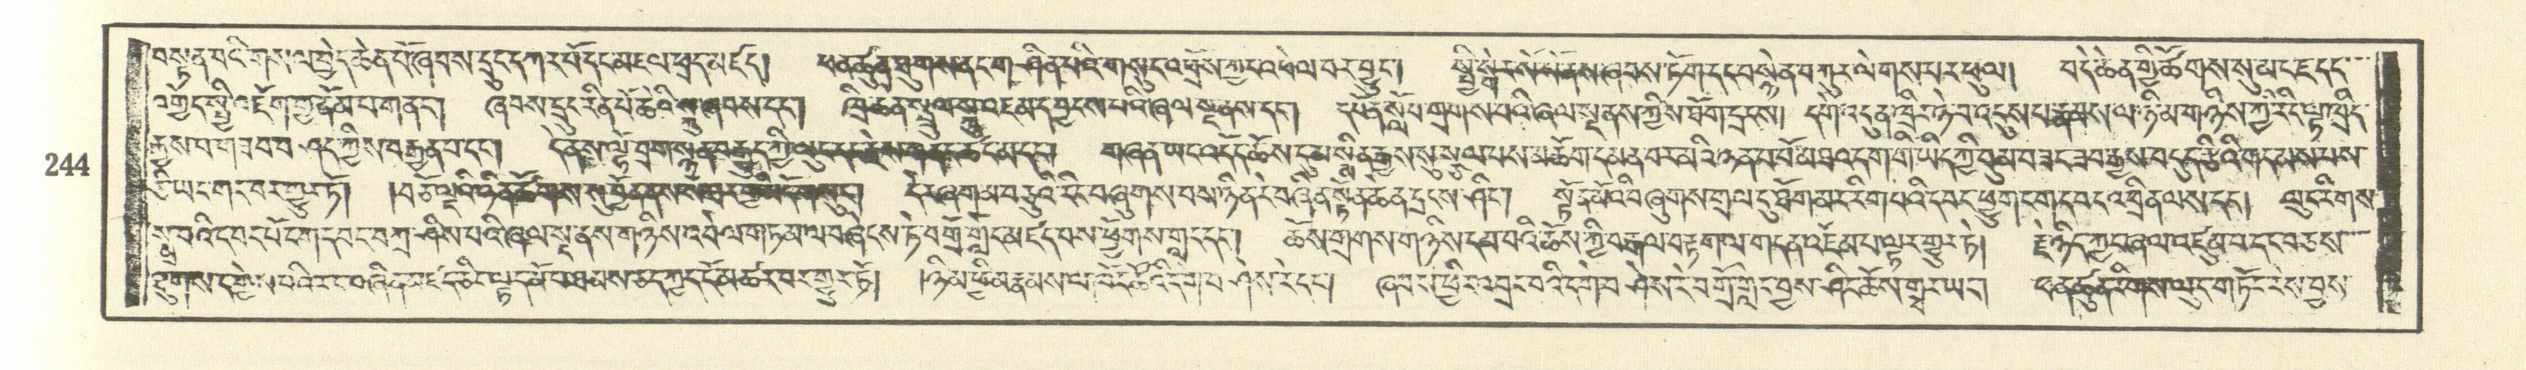བསྟན་པའི་གསལ་བྱེད་ཆེན་པོ་ཞབས་དྲུང་དཀར་པོ་དང་མཇལ་ཕྲད་མཛད། ཕན་ཚུན་ཐུགས་ནང་གཤིན་པའི་གསུང་འཕྲོས་ཀྱང་འཕེལ་བར་བྱུང་། སྤྱི་སྒེར་སོ་སོ་ནས་ཞབས་ཏོག་དང་བསྙེན་བཀུར་ལེགས་པར་ཕུལ། བདེ་ཆེན་གྱི་ཚོགས་སུ་མང་ཇ་དང་
འགྱེད་སྤྱི་འཇོག་གྱ་ནོམ་པ་གནང་། ཞབས་དྲུང་རིན་པོ་ཆེའི་སྐུ་ཞབས་དང་། ཁྲི་ཆེན་སྤྲུལ་སྐུ་འཇམ་དབྱངས་བའི་ཞལ་སྔ་ནས་དང་། དཔོན་སློབ་གྲགས་པའི་ཞལ་སྔ་ནས་ཀྱིས་ཐོག་དྲངས། དགེ་འདུན་ཁྲིར་ཉེ་བ་འདུས་པ་རྣམས་ལ་ཉི་མ་གཉིས་ཀྱི་རིང་ལྟ་ཁྲིད་
རྒྱས་པ་གཟབ་བཤད་གྱིས་བརྒྱན་པ་དང་། དེ་ནས་ལྷོ་བྲག་སྙན་བརྒྱུད་ཀྱི་ལུང་དང་རྗེས་གནང་ཚང་མ་དང་། གཞན་ཡང་འདོད་ཆོས་དུམ་སྨིན་རྒྱས་སུ་སྩལ་པས་མཆོག་དམན་པར་མའི་ཉན་པ་པོ་མཐའ་དག་གི་ཡིད་ཀྱི་བུམ་བཟང་ཟབ་རྒྱས་བདུད་རྩིའི་གདམས་པས་
ཅི་ཡང་གང་བར་གྱུར་ཏོ། །བཅོ་ལྔའི་ཉིན་ཚོགས་སུ་བྱོན་ནས་སོ་ཐར་གྱི་མདོ་གསུང་། དེར་ཞག་མ་བཅུའི་རིང་བཞུགས་པས་ཉིན་རེ་བཞིན་སྟོན་ཆེན་དྲངས་ཤིང་། སྟོན་མོའི་བཞུགས་གྲལ་དུ་ཐོག་མར་རིག་པའི་དབང་ཕྱུག་ངག་དབང་འཕྲིན་ལས་དང་། ལུང་རིགས་
སྨྲ་བའི་དབང་པོ་ངག་དབང་བཀྲ་ཤིས་པའི་ཞལ་སྔ་ནས་གཉིས་འབེལ་གཏམ་ལ་བཞེངས་ཏེ་བགྲོ་གླེང་མཛད་པས་ཕྱོགས་གླང་དང་། ཆོས་གྲགས་གཉིས་དམ་པའི་ཆོས་ཀྱི་བརྒལ་བརྟག་ལ་གདན་འཇོམ་པ་ལྟར་གྱུར་ཏེ། རྗེ་ཉིད་ཀྱང་ཞལ་འཛུམ་པ་དང་བཅས་
ཐུགས་དགྱེས་པའི་རང་བཞིན་མཛད་ཅིང་ལྟད་མོ་པ་ཐམས་ཅད་ཀྱང་ངོ་མཚར་བར་གྱུར་ཏོ། །ཉི་མ་ཕྱི་མ་རྣམས་ལ་ཁོང་ཚོའི་དགེ་བཤེས་རེ་དང་། ཞབས་ཕྱིར་འབྲང་བའི་དགེ་བཤེས་རེ་བགྲོ་གླེང་བྱས་ཤིང་ཆོས་གླར་ཡང་། ཕན་ཚུན་རིགས་ལུང་གཏོང་རེས་བྱས་